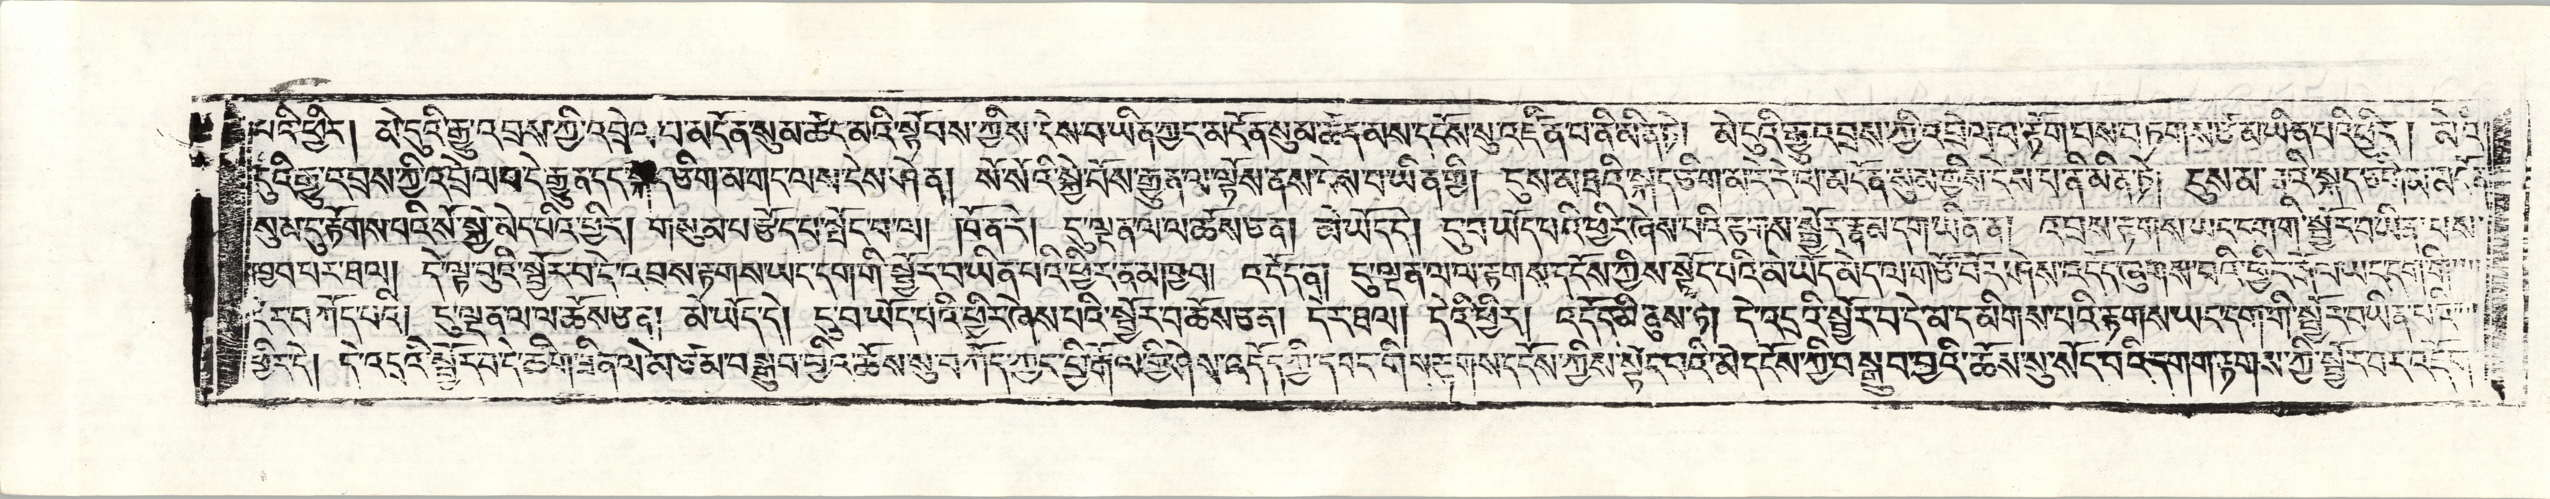པའི་ཕྱིར། མེ་དུའི་རྒྱུ་འབྲས་ཀྱི་འབྲེལ་བ་མངོན་སུམ་ཚད་མའི་སྟོབས་ཀྱིས་ངེས་པ་ཡིན་ཀྱང་མངོན་སུམ་ཚད་མས་དངོས་སུ་འཛིན་པ་ནི་མིན་ཏེ། མེ་དུའི་རྒྱུ་འབྲས་ཀྱི་འབྲེལ་བ་རྟོག་པས་བཏགས་ཙམ་ཡིན་པའི་ཕྱིར། མེ་
དུའི་རྒྱུ་འབྲས་ཀྱི་འབྲེལ་བ་དེ་རྒྱུན་དང་སྐད་ཅིག་མ་གང་ལས་ངེས་ཤེ་ན། སོ་སོའི་སྐྱེ་བོས་རྒྱུན་ལ་ལྟོས་ནས་ངེས་པ་ཡིན་གྱི། དུས་མཐའི་སྐད་ཅིག་མ་རེ་རེ་ལ་མངོན་སུམ་གྱིས་ངེས་པ་ནི་མིན་ཏེ། དུས་མཐའི་སྐད་ཅིག་མ་མངོན་
སུམ་དུ་རྟོགས་པའི་སོ་སྐྱེ་མེད་པའི་ཕྱིར། གསུམ་པ་རྩོད་པ་སྤོང་བ་ལ། ཁོ་ན་རེ། དུ་ལྡན་ལ་ལ་ཆོས་ཅན། མེ་ཡོད་དེ། དུ་བ་ཡོད་པའི་ཕྱིར་ཞེས་པའི་རྟགས་སྦྱོར་རྣམ་དག་ཡིན་ན། འབྲས་རྟགས་ཡང་དག་གི་སྦྱོར་བ་ཡིན་པས་
ཁྱབ་པར་ཐལ། དེ་ལྟ་བུའི་སྦྱོར་བ་དེ་འབྲས་རྟགས་ཡང་དག་གི་སྦྱོར་བ་ཡིན་པའི་ཕྱིར་ན་མ་ཁྱབ། འདོད་ན། དུ་ལྡན་ལ་ལ་རྟགས་དངོས་ཀྱིས་སྟོང་པའི་མེ་ཡོད་མེད་ལ་གཙོ་བོར་ཤེས་འདོད་ཞུགས་པའི་ཕྱི་རྒོལ་ཡང་དག་གི་
ངོར་བཀོད་པའི། དུ་ལྡན་ལ་ལ་ཆོས་ཅན། མེ་ཡོད་དེ། དུ་བ་ཡོད་པའི་ཕྱིར་ཞེས་པའི་སྦྱོར་བ་ཆོས་ཅན། དེར་ཐལ། དེའི་ཕྱིར། འདོད་མི་ནུས་ཏེ། དེ་འདྲའི་སྦྱོར་བ་དེ་མ་དམིགས་པའི་རྟགས་ཡང་དག་གི་སྦྱོར་བ་ཡིན་པའི་
ཕྱིར་དེ། དེ་འདྲའི་སྦྱོར་བ་དེ་ཚིག་ཟིན་ལ་མེ་ཙམ་བསྒྲུབ་བྱའི་ཆོས་སུ་བཀོད་ཀྱང་ཕྱི་རྒོལ་གྱི་ཤེས་འདོད་ཀྱི་དབང་གིས་རྟགས་དངོས་ཀྱིས་སྟོང་པའི་མེ་དངོས་ཀྱི་བསྒྲུབ་བྱའི་ཆོས་སུ་སོང་བའི་དགག་རྟགས་ཀྱི་སྦྱོར་བར་འཇོག་